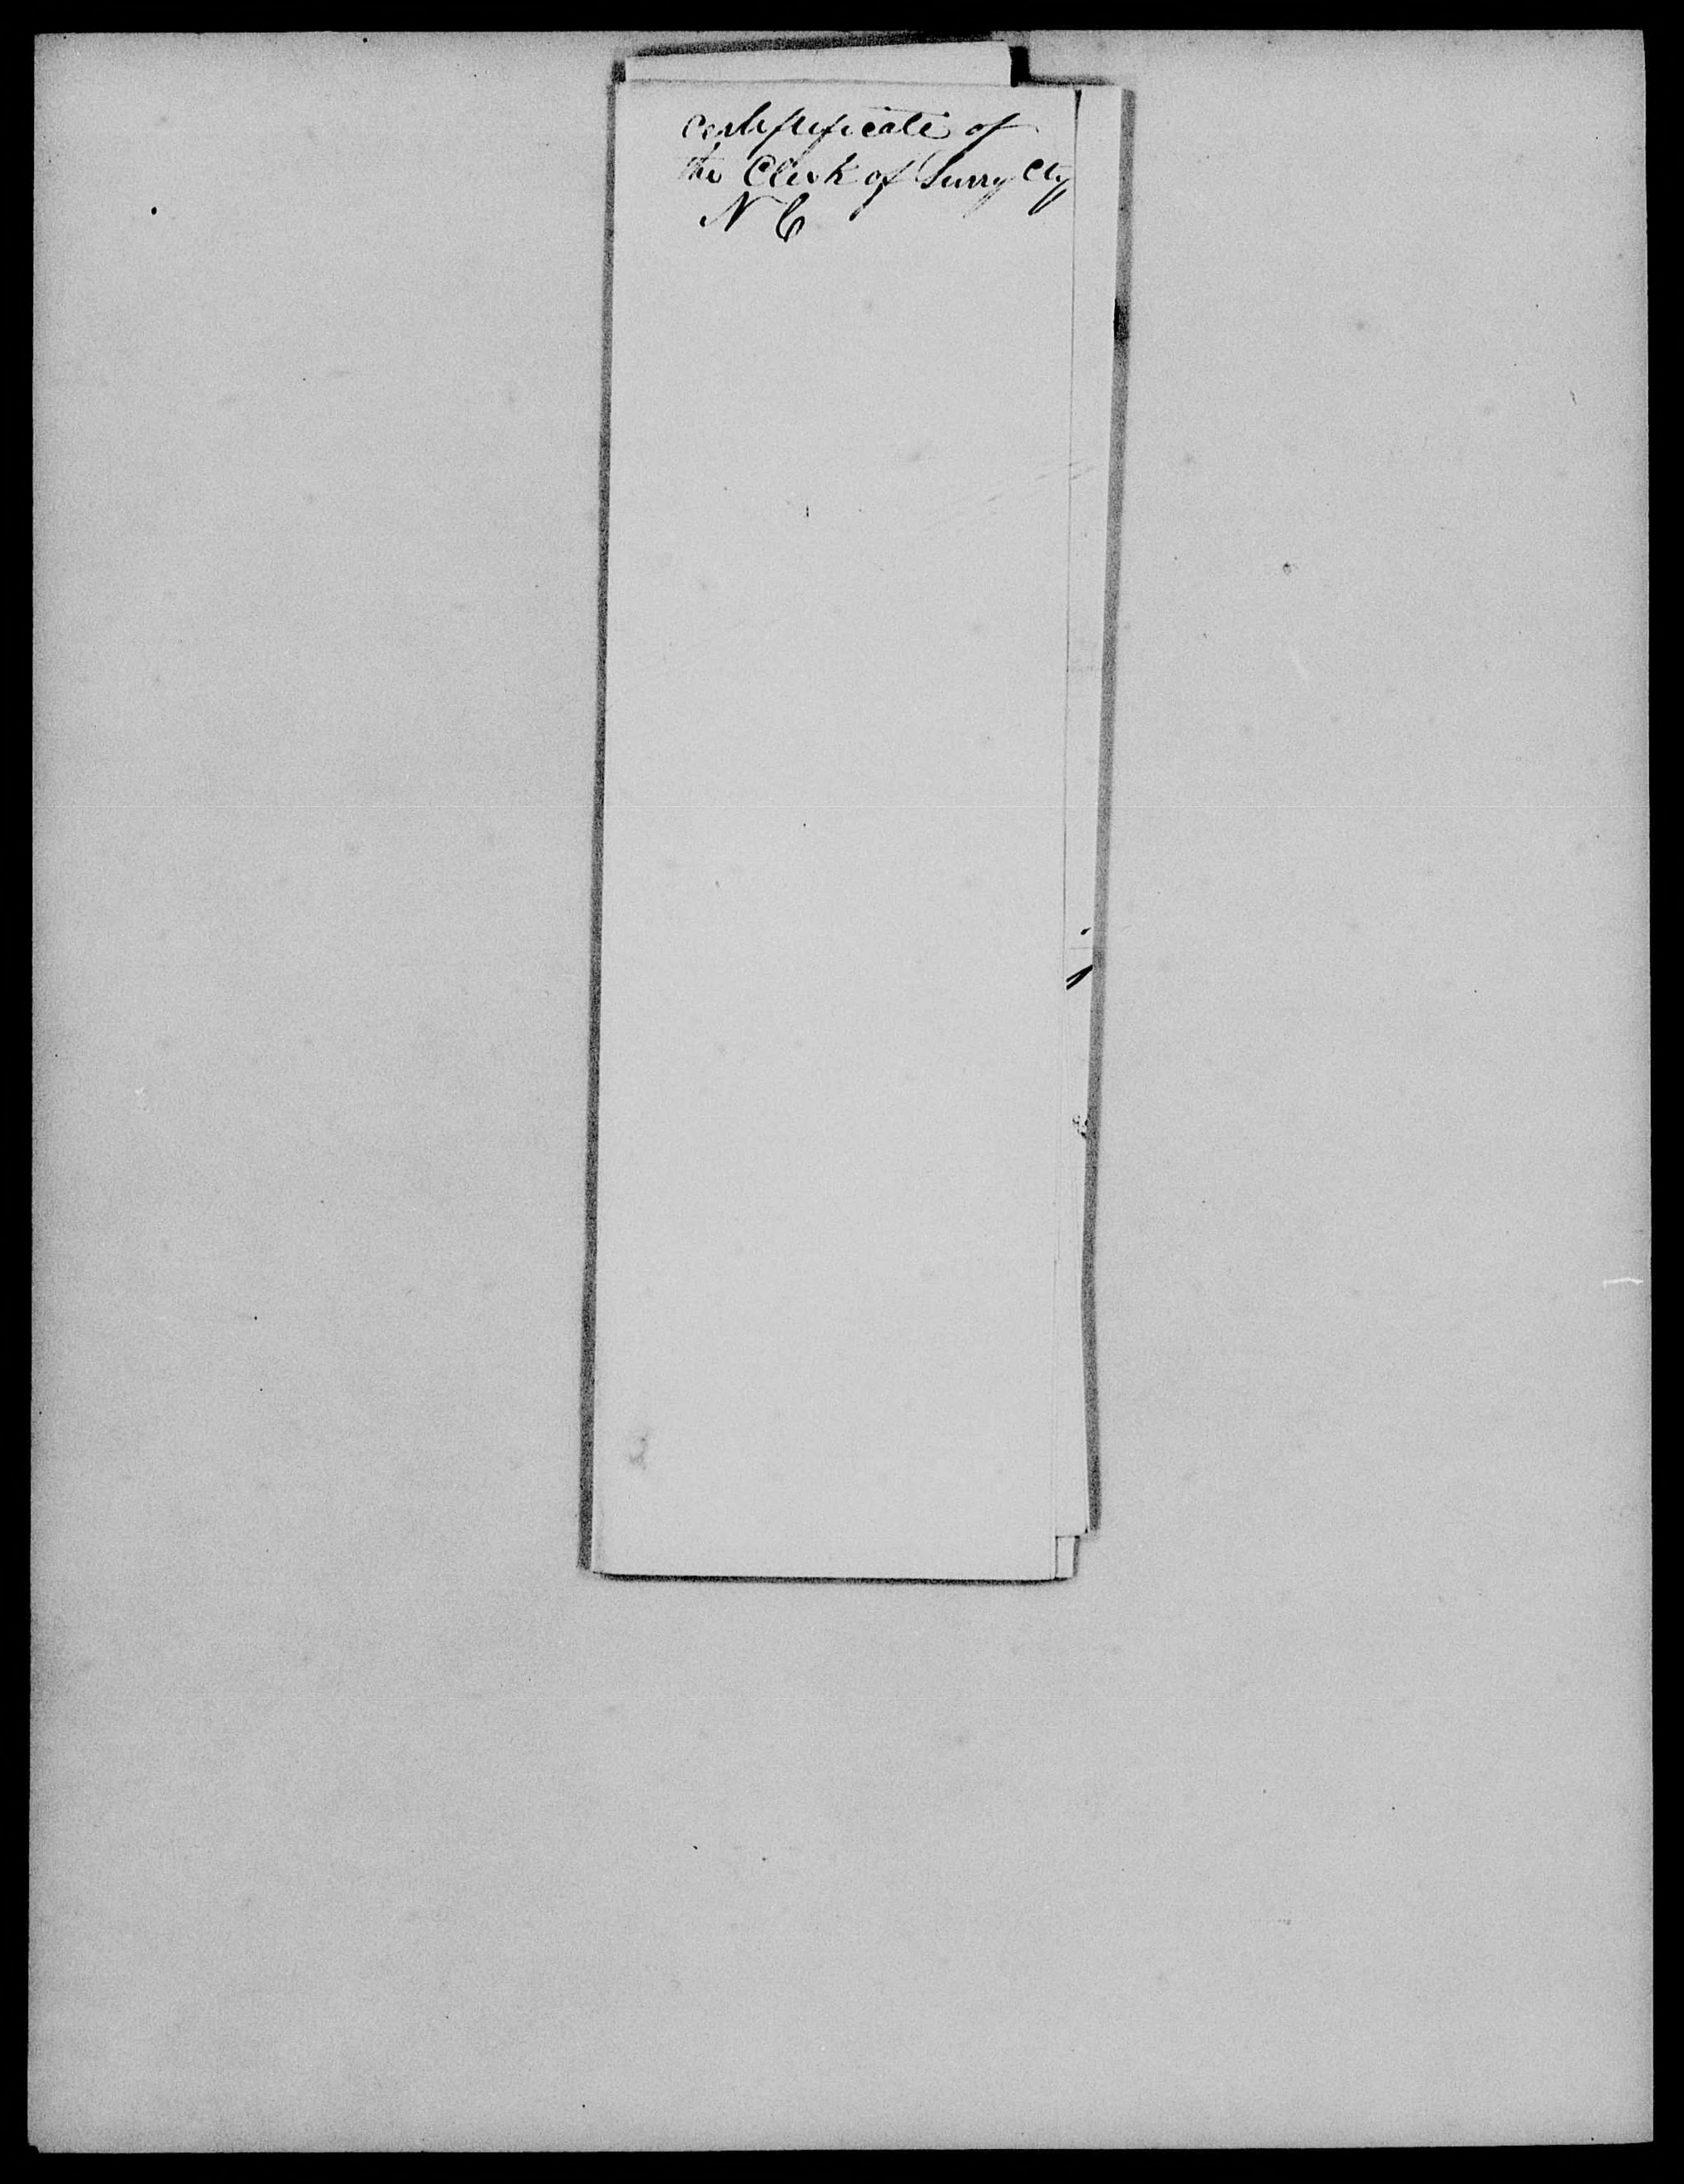Certificate of the Clerk of Surry Cty
N C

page: 91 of 120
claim: widow's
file: W. 1044, for Salathiel Martin, North Carolina